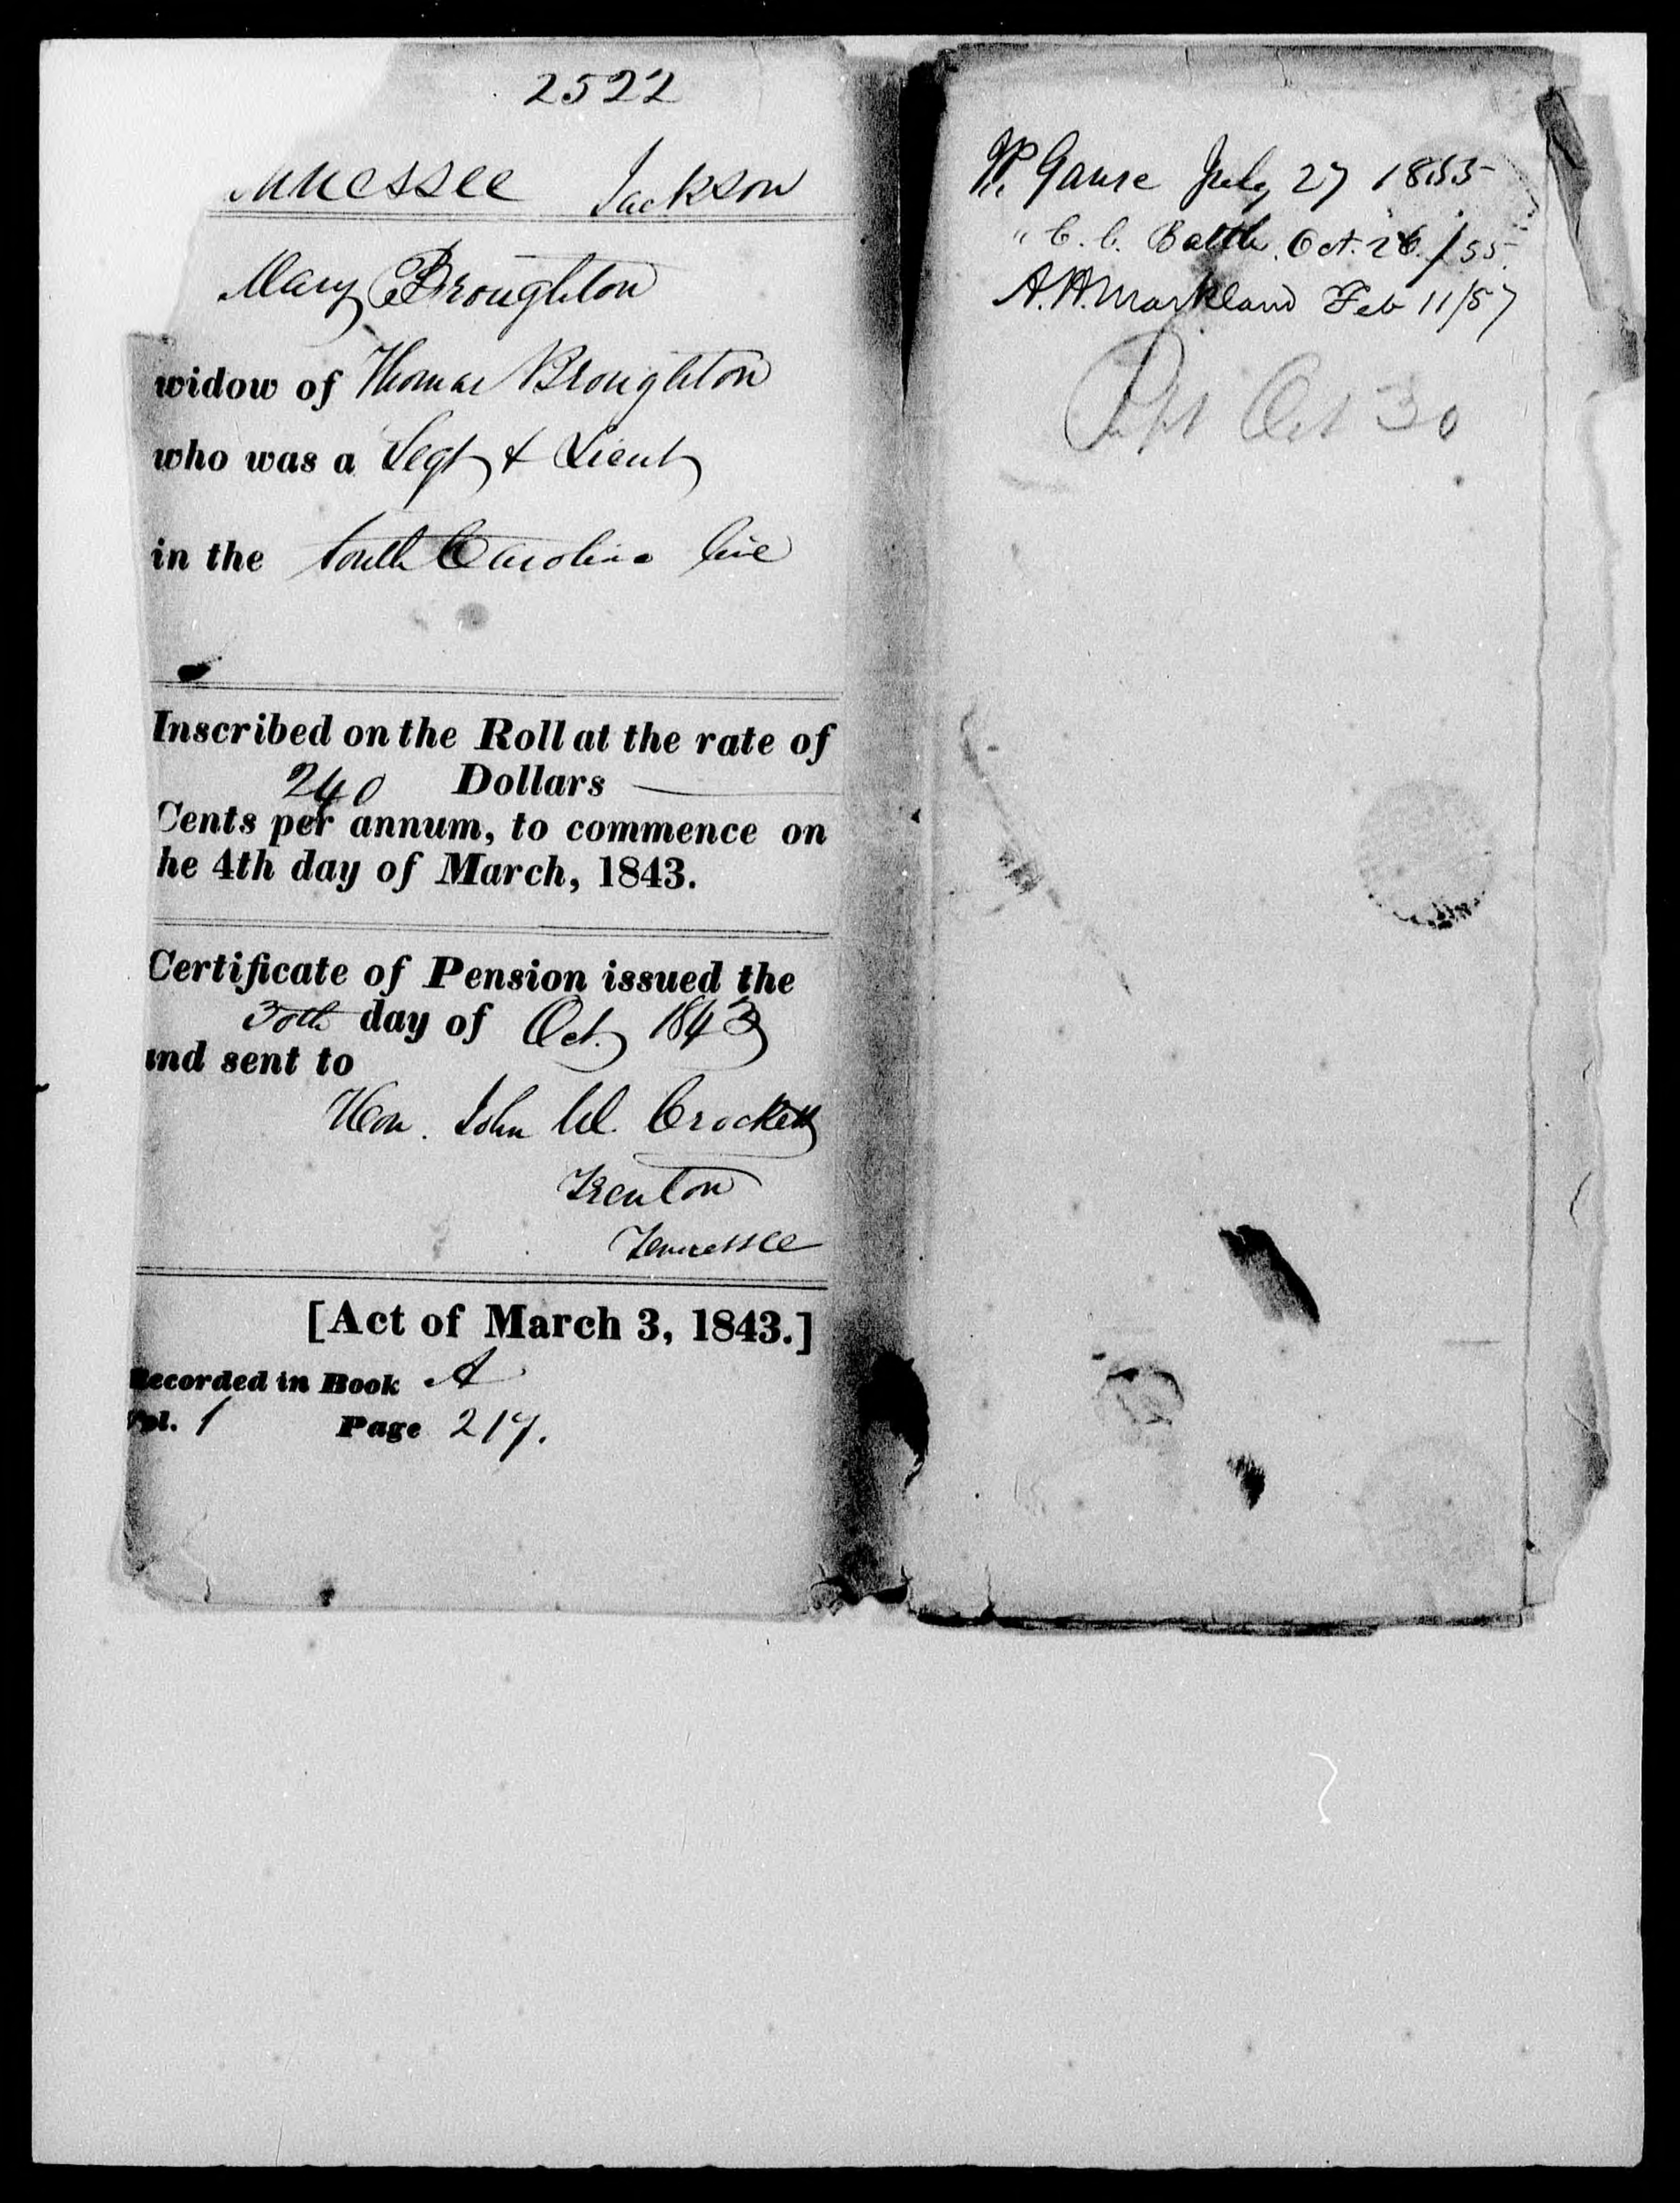2522 
[edge torn] nnessee Jackson 
----------------------------
Mary Broughton 
widow of Thomas Broughton 
who was a Segt & Lieut 
in the South Carolina line 
-----------------------------
Inscribed on the Roll at the rate of 
240 Dollars [blank] 
Cents per annum, to commence on 
the 4th day of March, 1843. 
------------------------------
Certificate of Pension issued the 
30th day of Oct. 1843 
and sent to Hon. John W. Crockett 
Trenton 
Tennessee 
-------------------------------
[Act of March 3, 1843.] 
Recorded in Book A 
Vol. 1 Page 217 

[notes on upper right]
J. P. Gause July 27 1853 
C.C. Battle Oct. 26 / 55 
A. H. Markland Feb 11 / 57
P[illegibe] Oct 30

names: C C Battle, Thomas Broughton, A H Markland, Mary Broughton, John W Crockett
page: 2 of 72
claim: widow's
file: W. 897, Thomas Broughton, S.C.